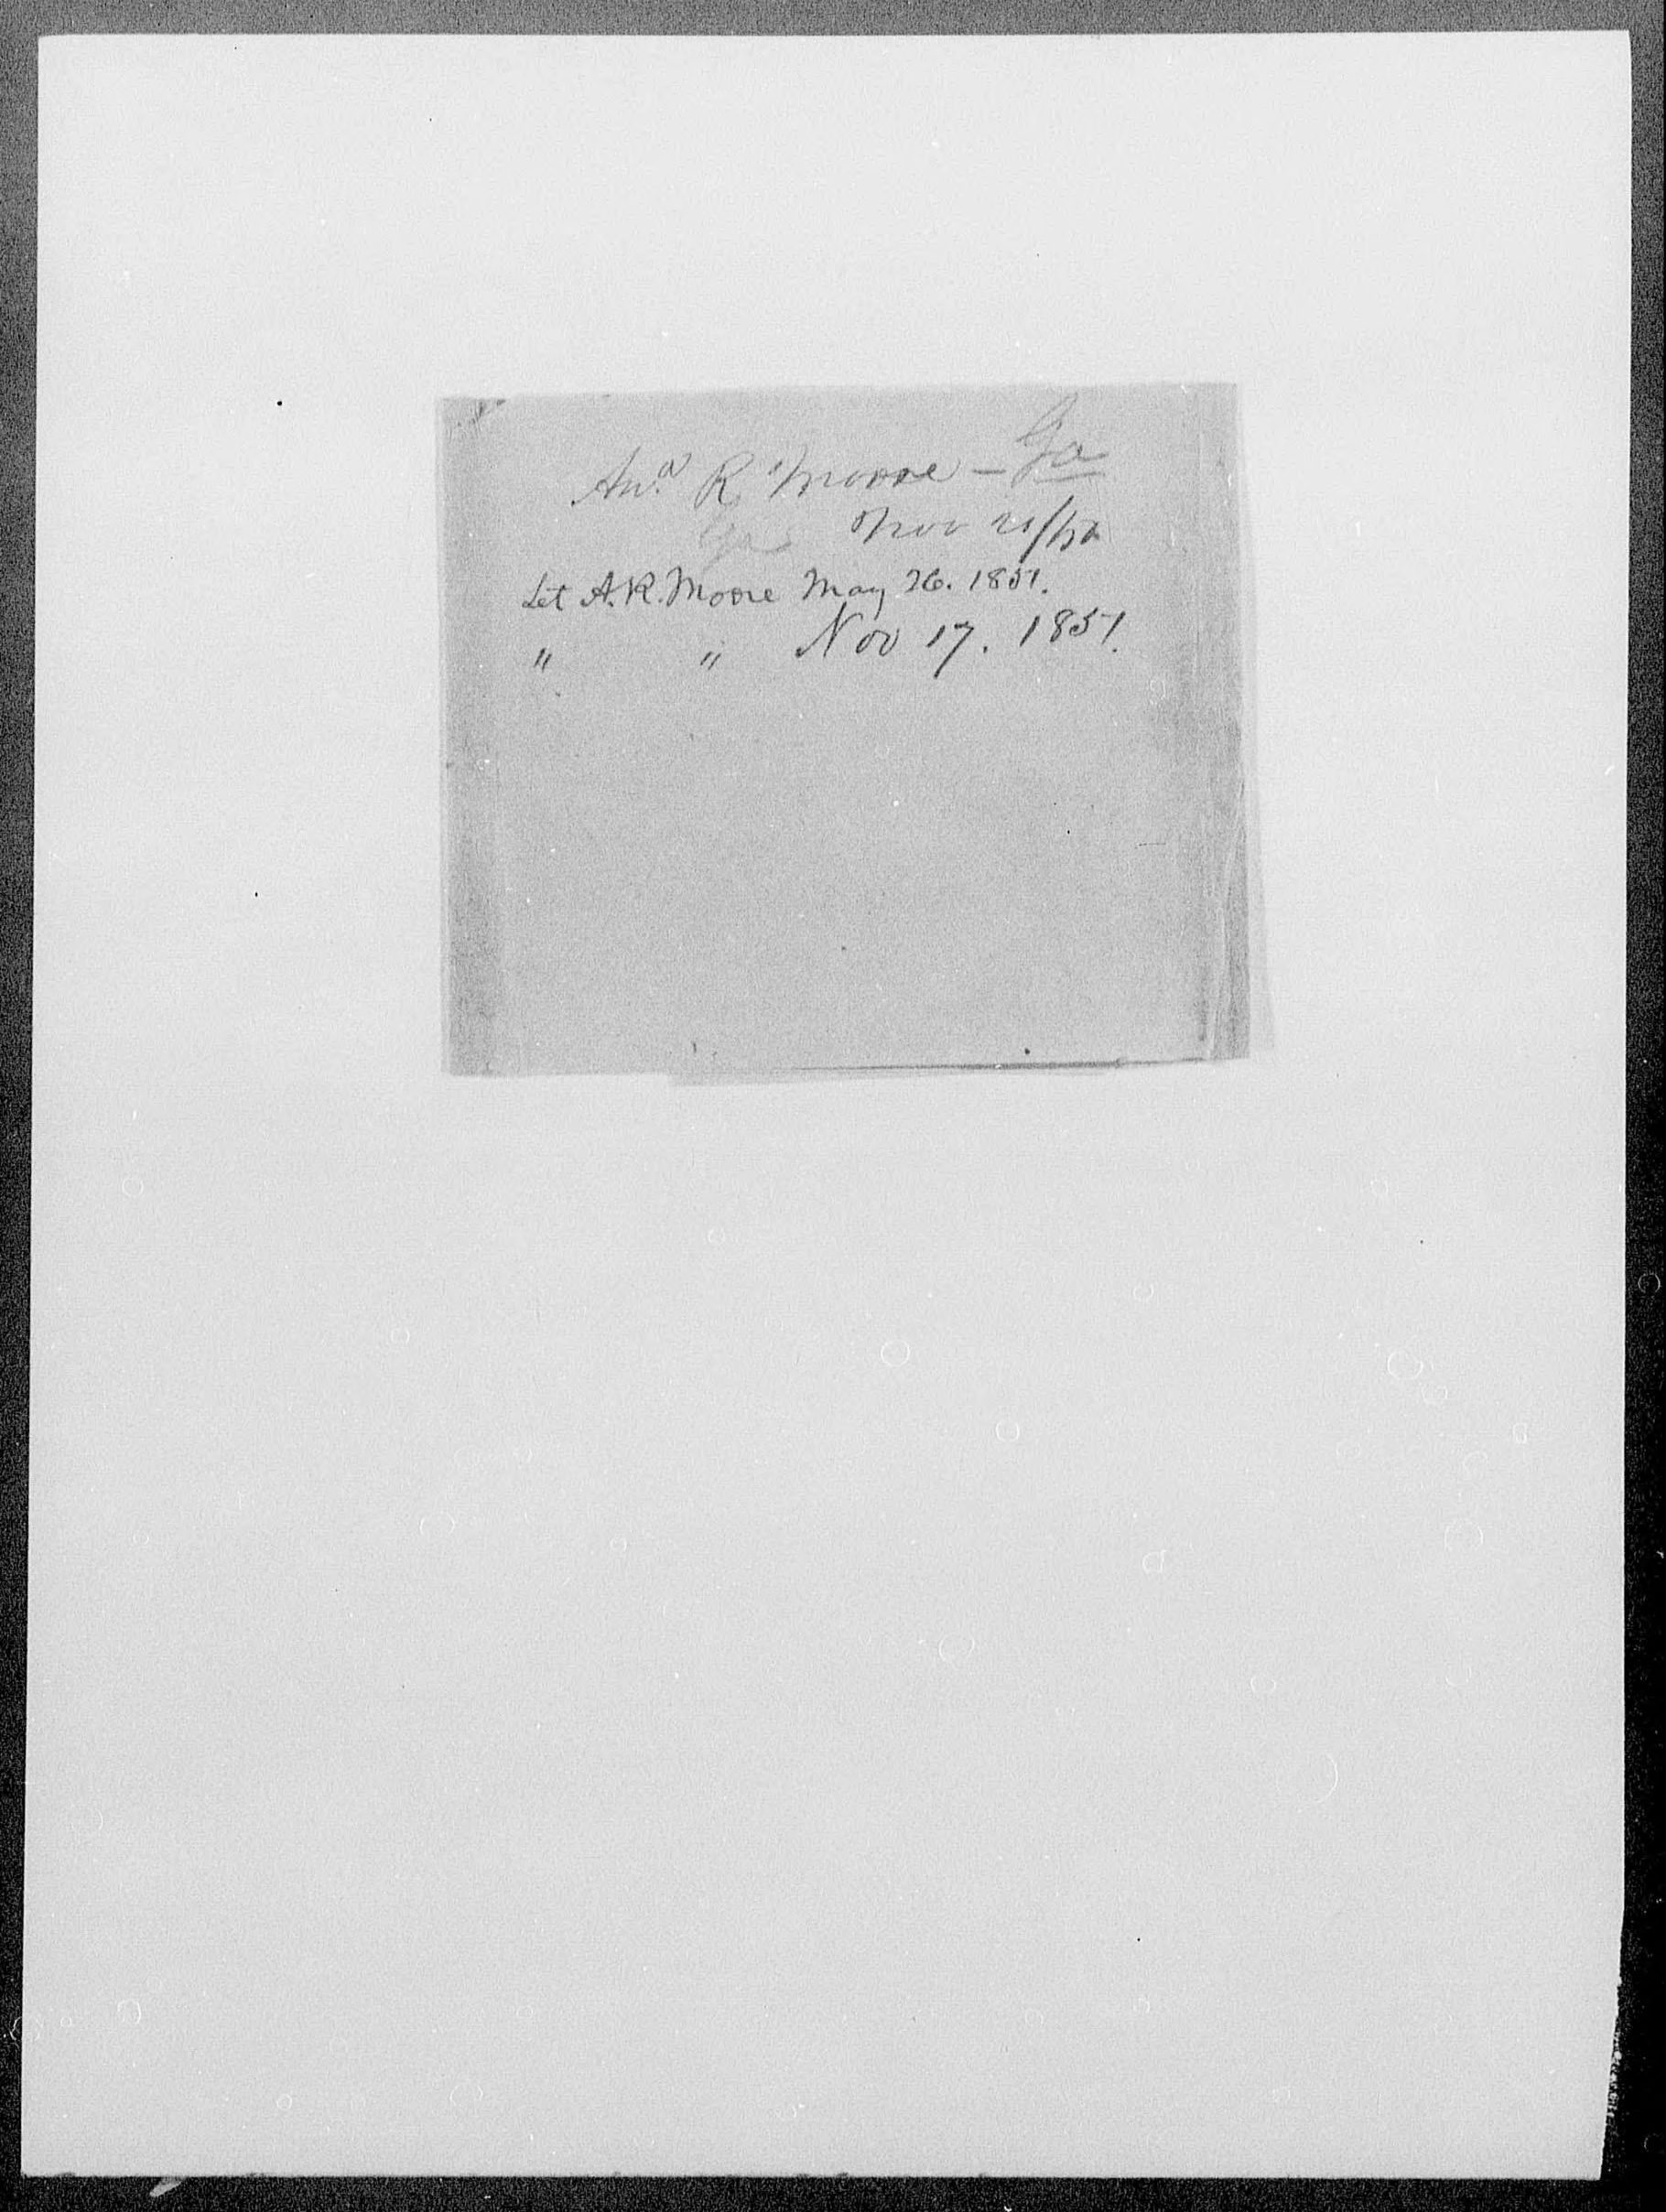Andrew  R Moore-GA
Nov 20 
Let A.R. Moore May 26, 1851
"            "          Nov 17. 1857.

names: Anw R Moore, A R Moore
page: 25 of 73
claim: widow's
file: W. 5,894, John Cash, Va.